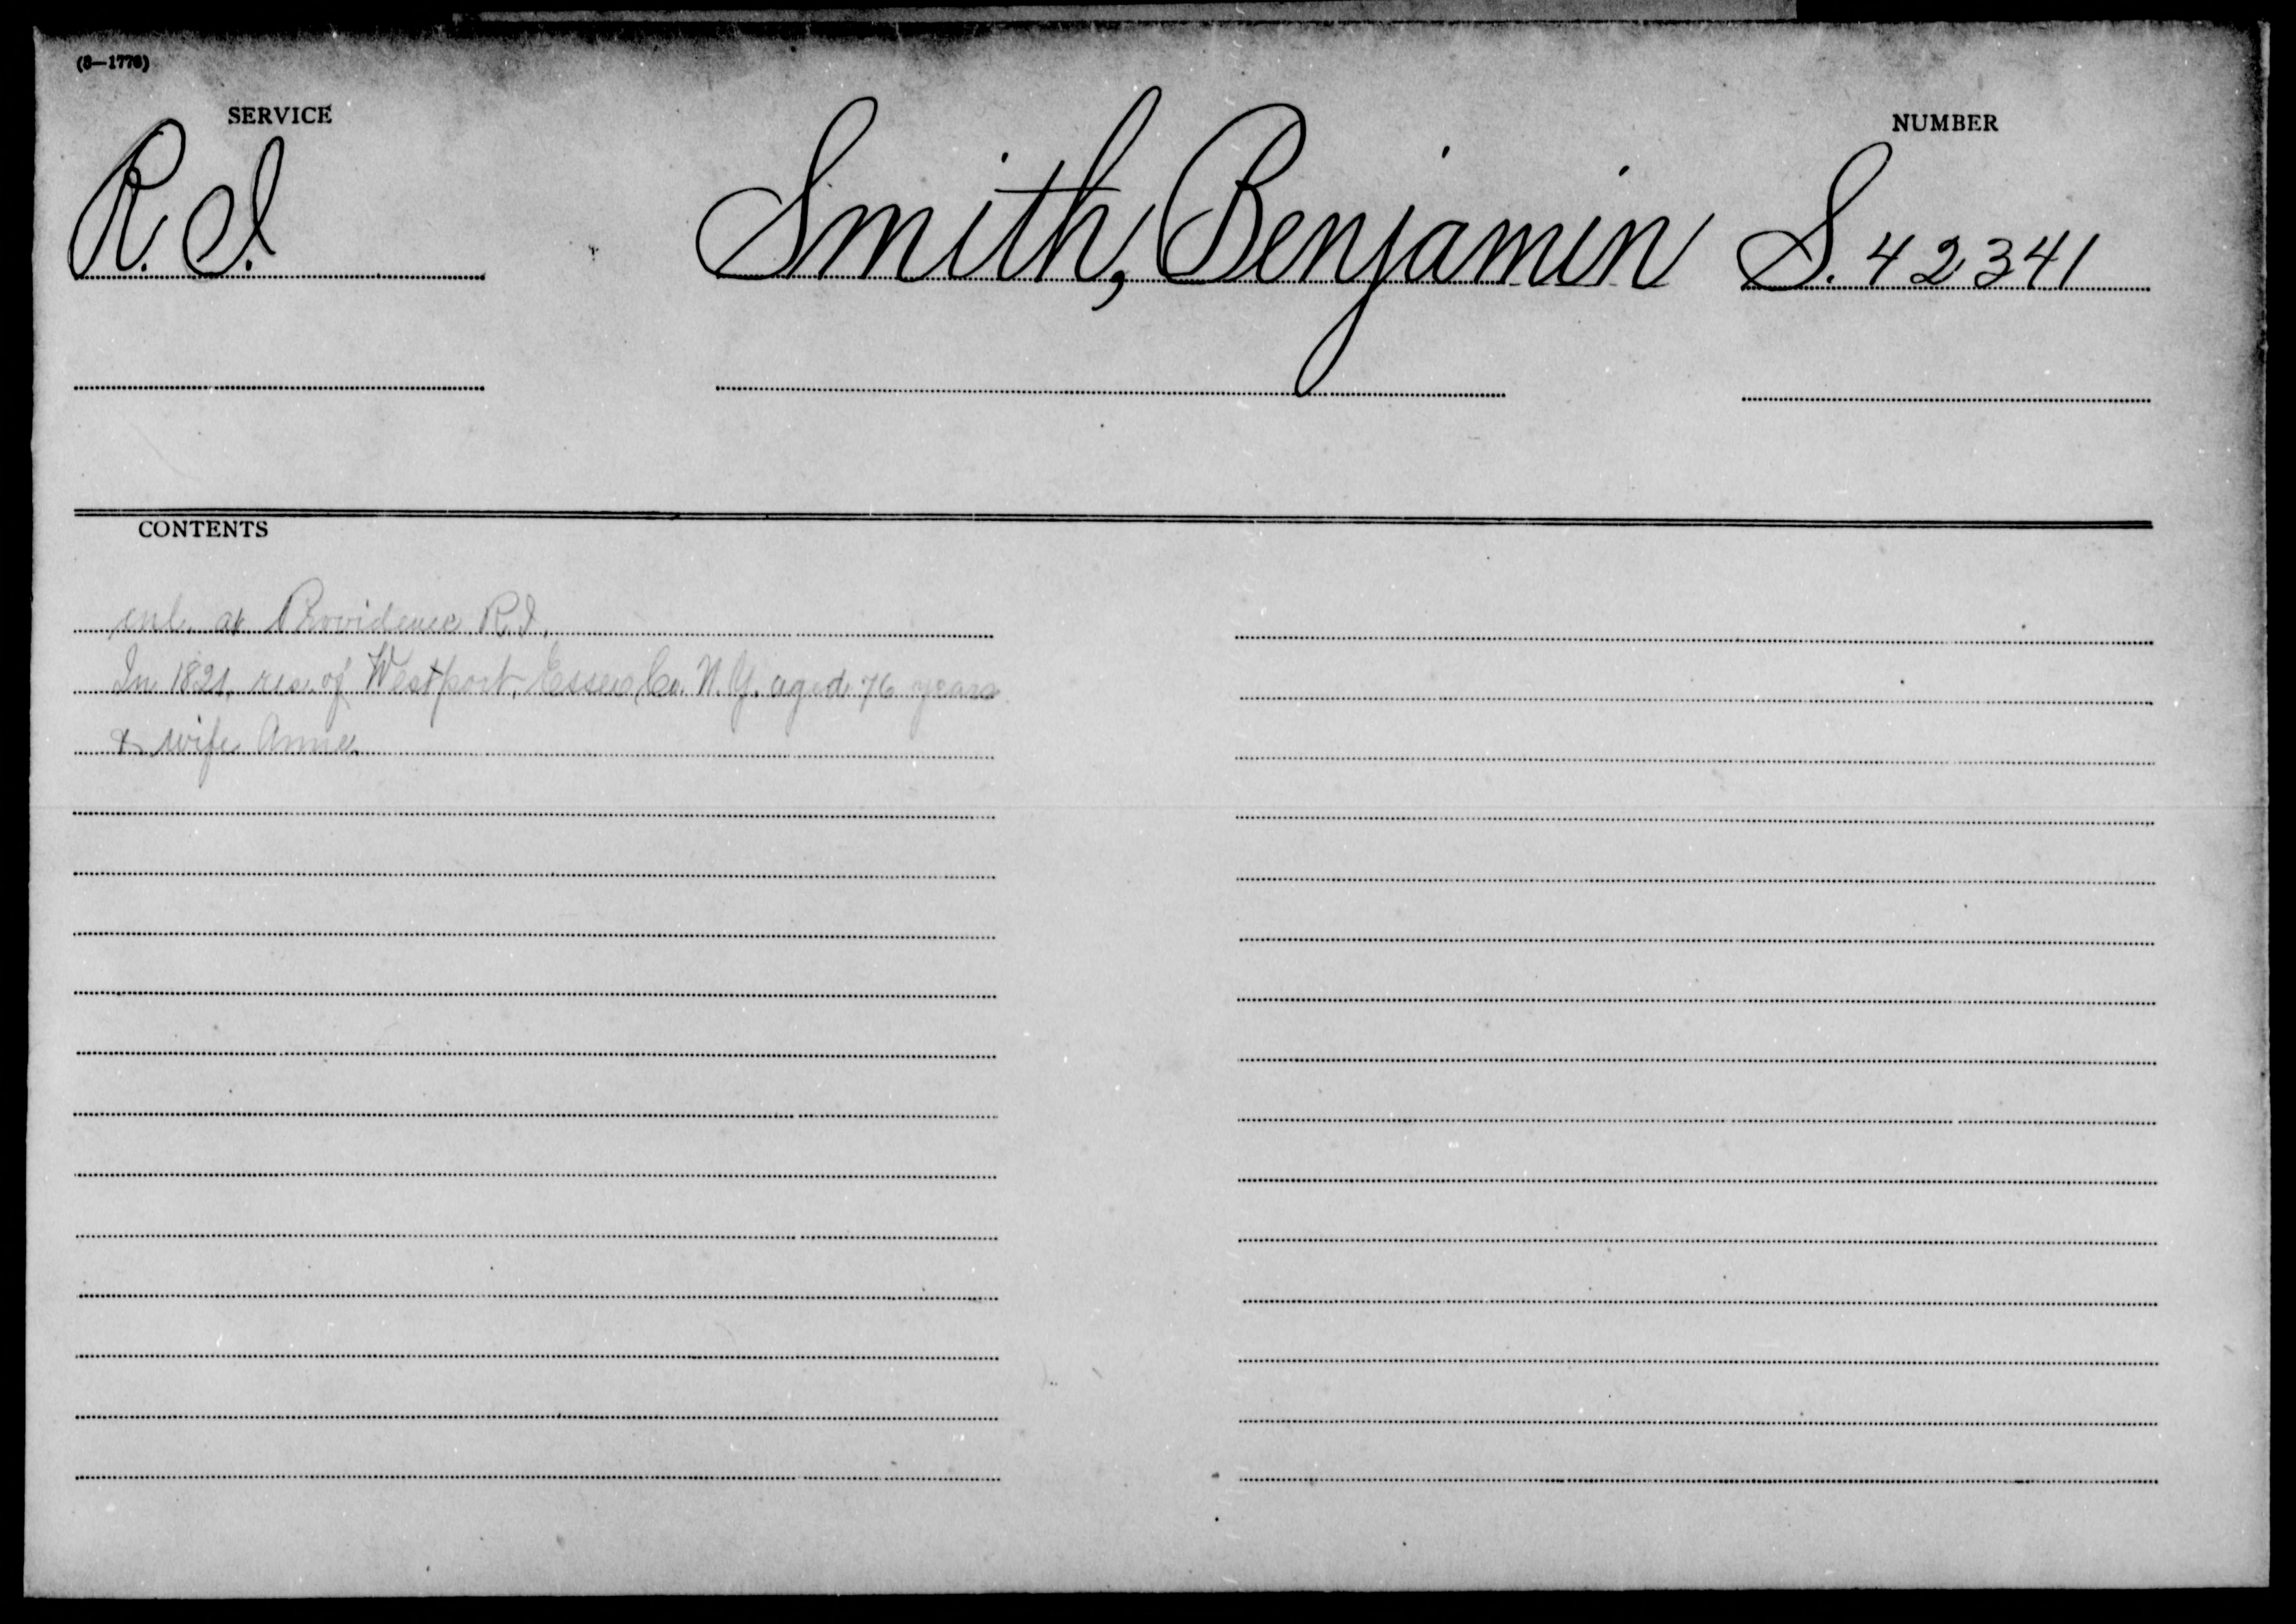Service R.I. Smith, Benjamin 
Number S. 42341

Contents
enl. at Providence RI
In 1821 res. of Westport, Essex Co. N.Y. aged 76 years & wife Anne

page: 1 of 16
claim: survivor's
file: S. 42341, for Benjamin Smith, Rhode Island